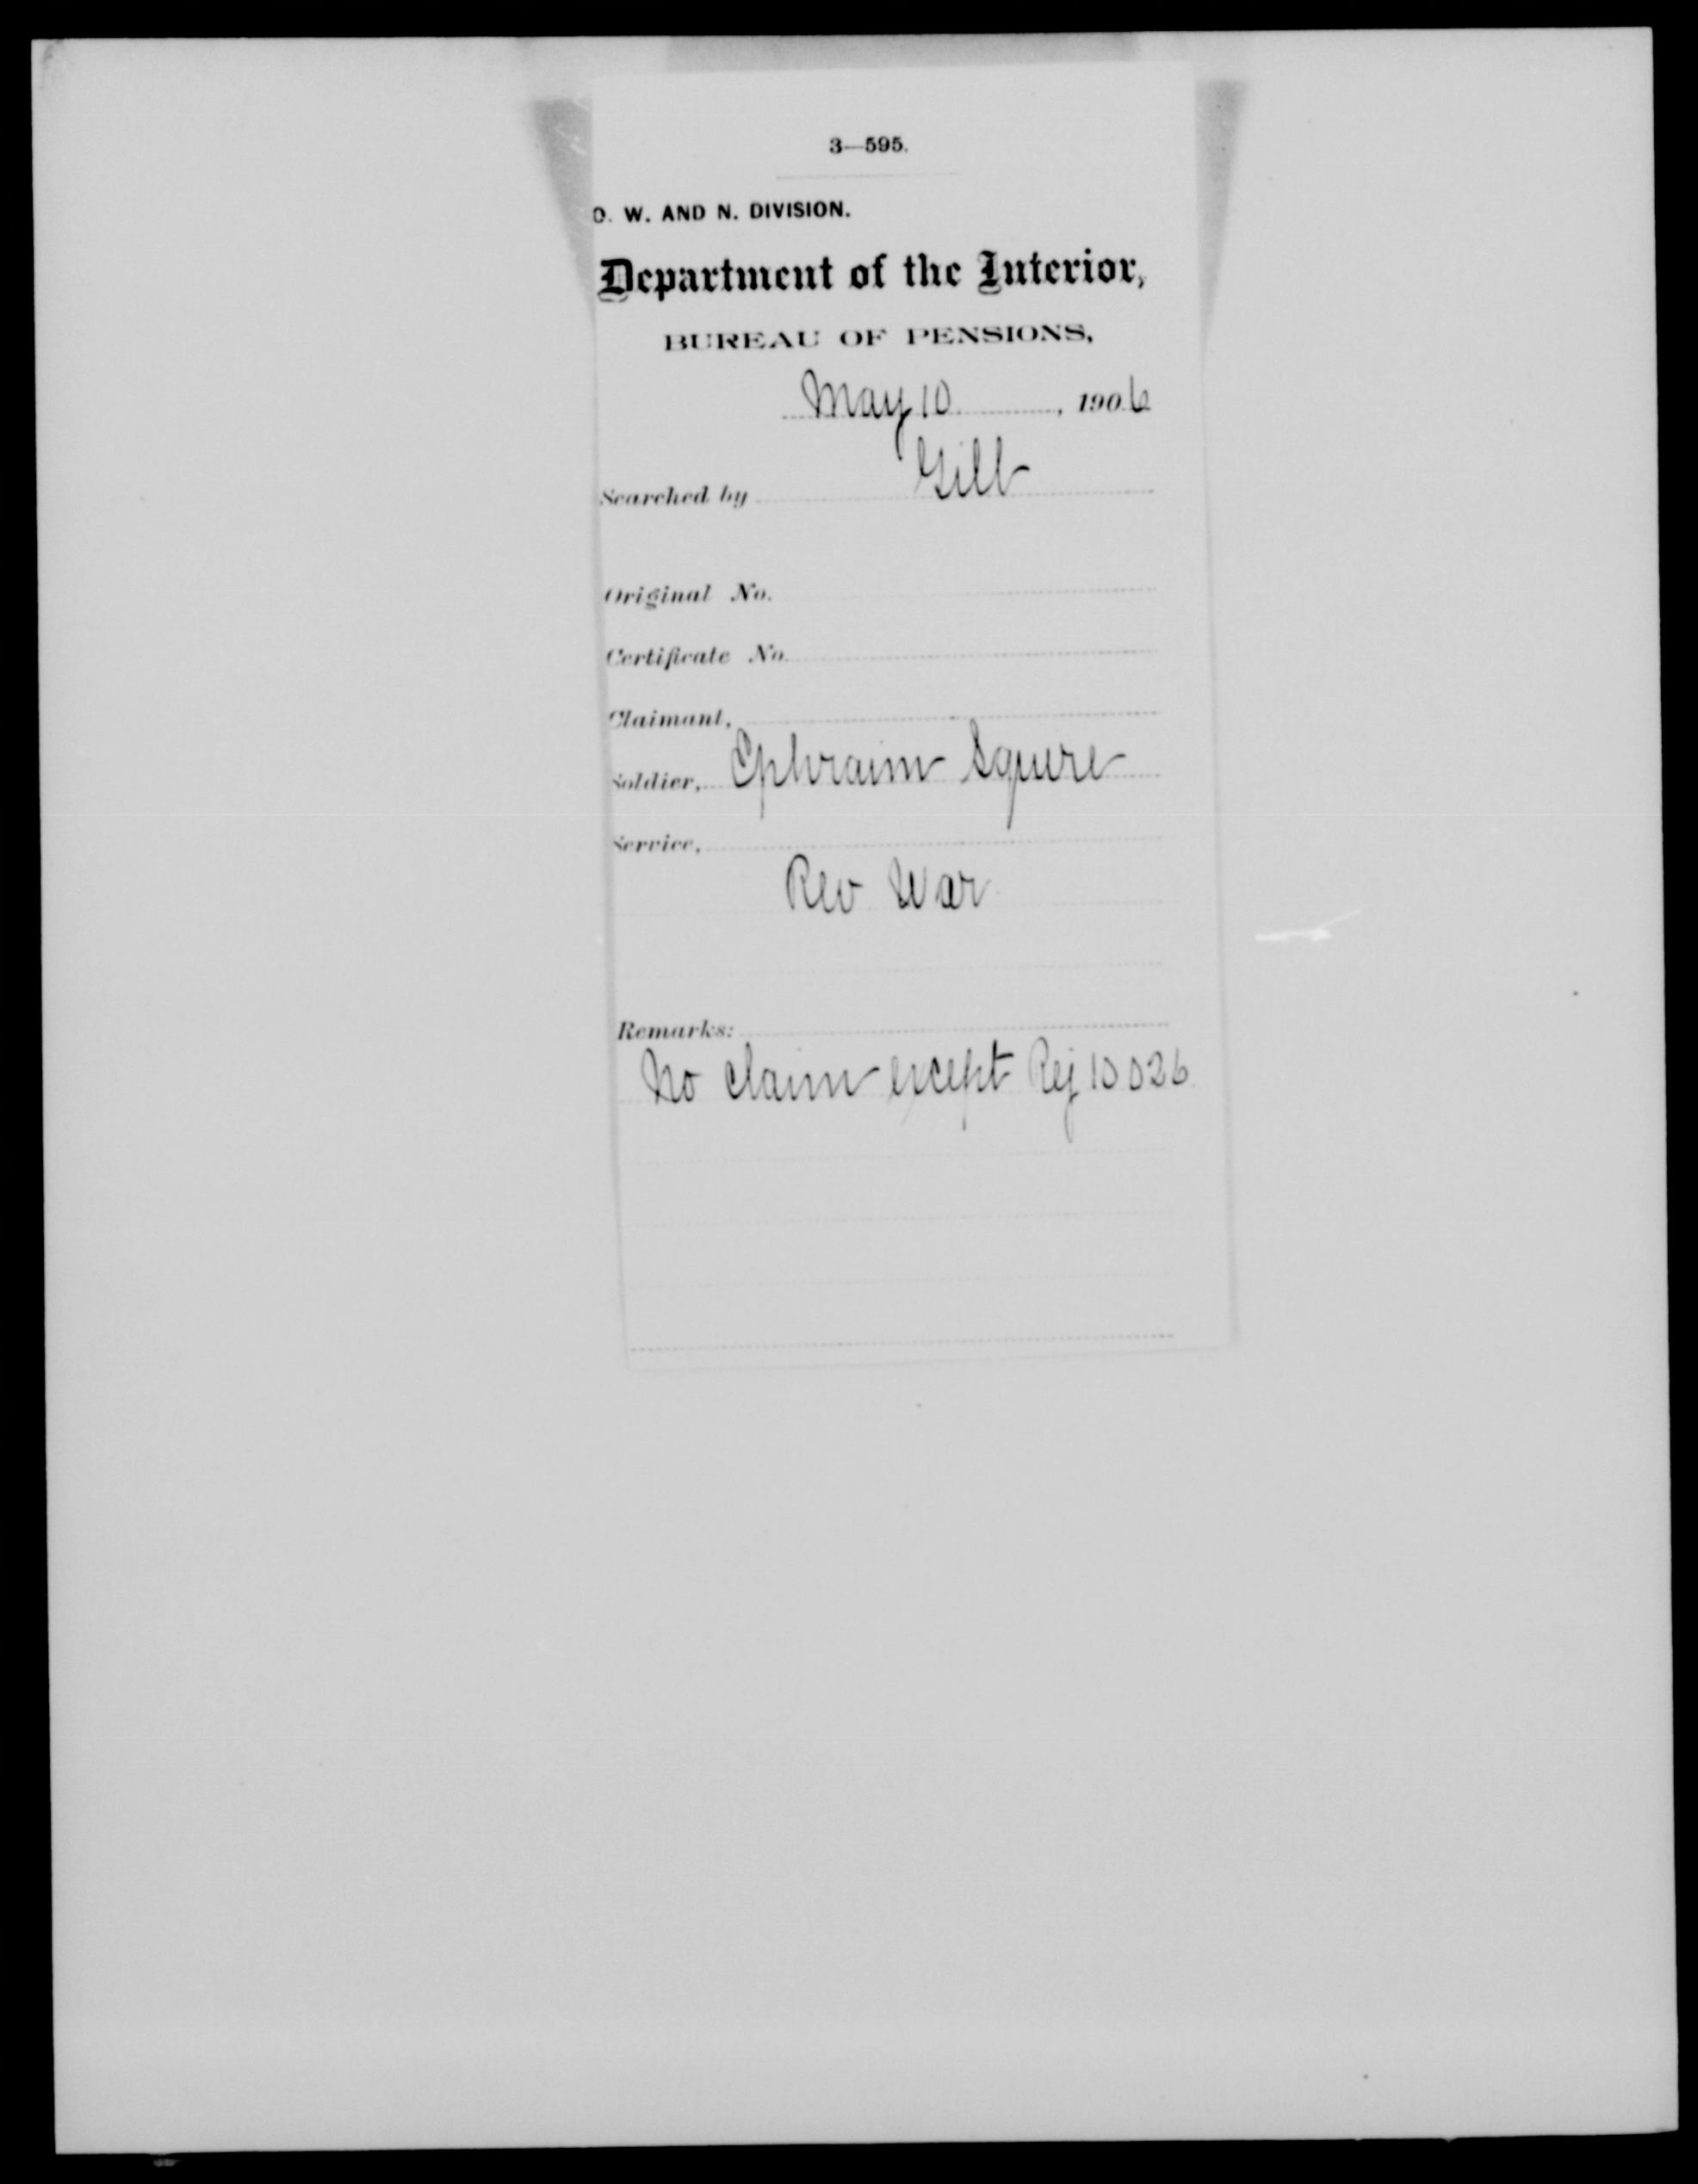3- 595
O.W. and N. Division
Department of the Interior
Bureau of Pensions, 
May 10, 1906

Searched by _Gill______
Original No.  ____________
Certificate No. __________
Claimant __________
Soldier,  _Ephraim Squire_
Service, _Rev. War_____

Remarks: ___________
_No claim except by 10026_
__________________
__________________
__________________
__________________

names: Ephraim Squire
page: 25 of 70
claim: rejected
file: R. 10,026, for Ephraim Squier, Connecticut